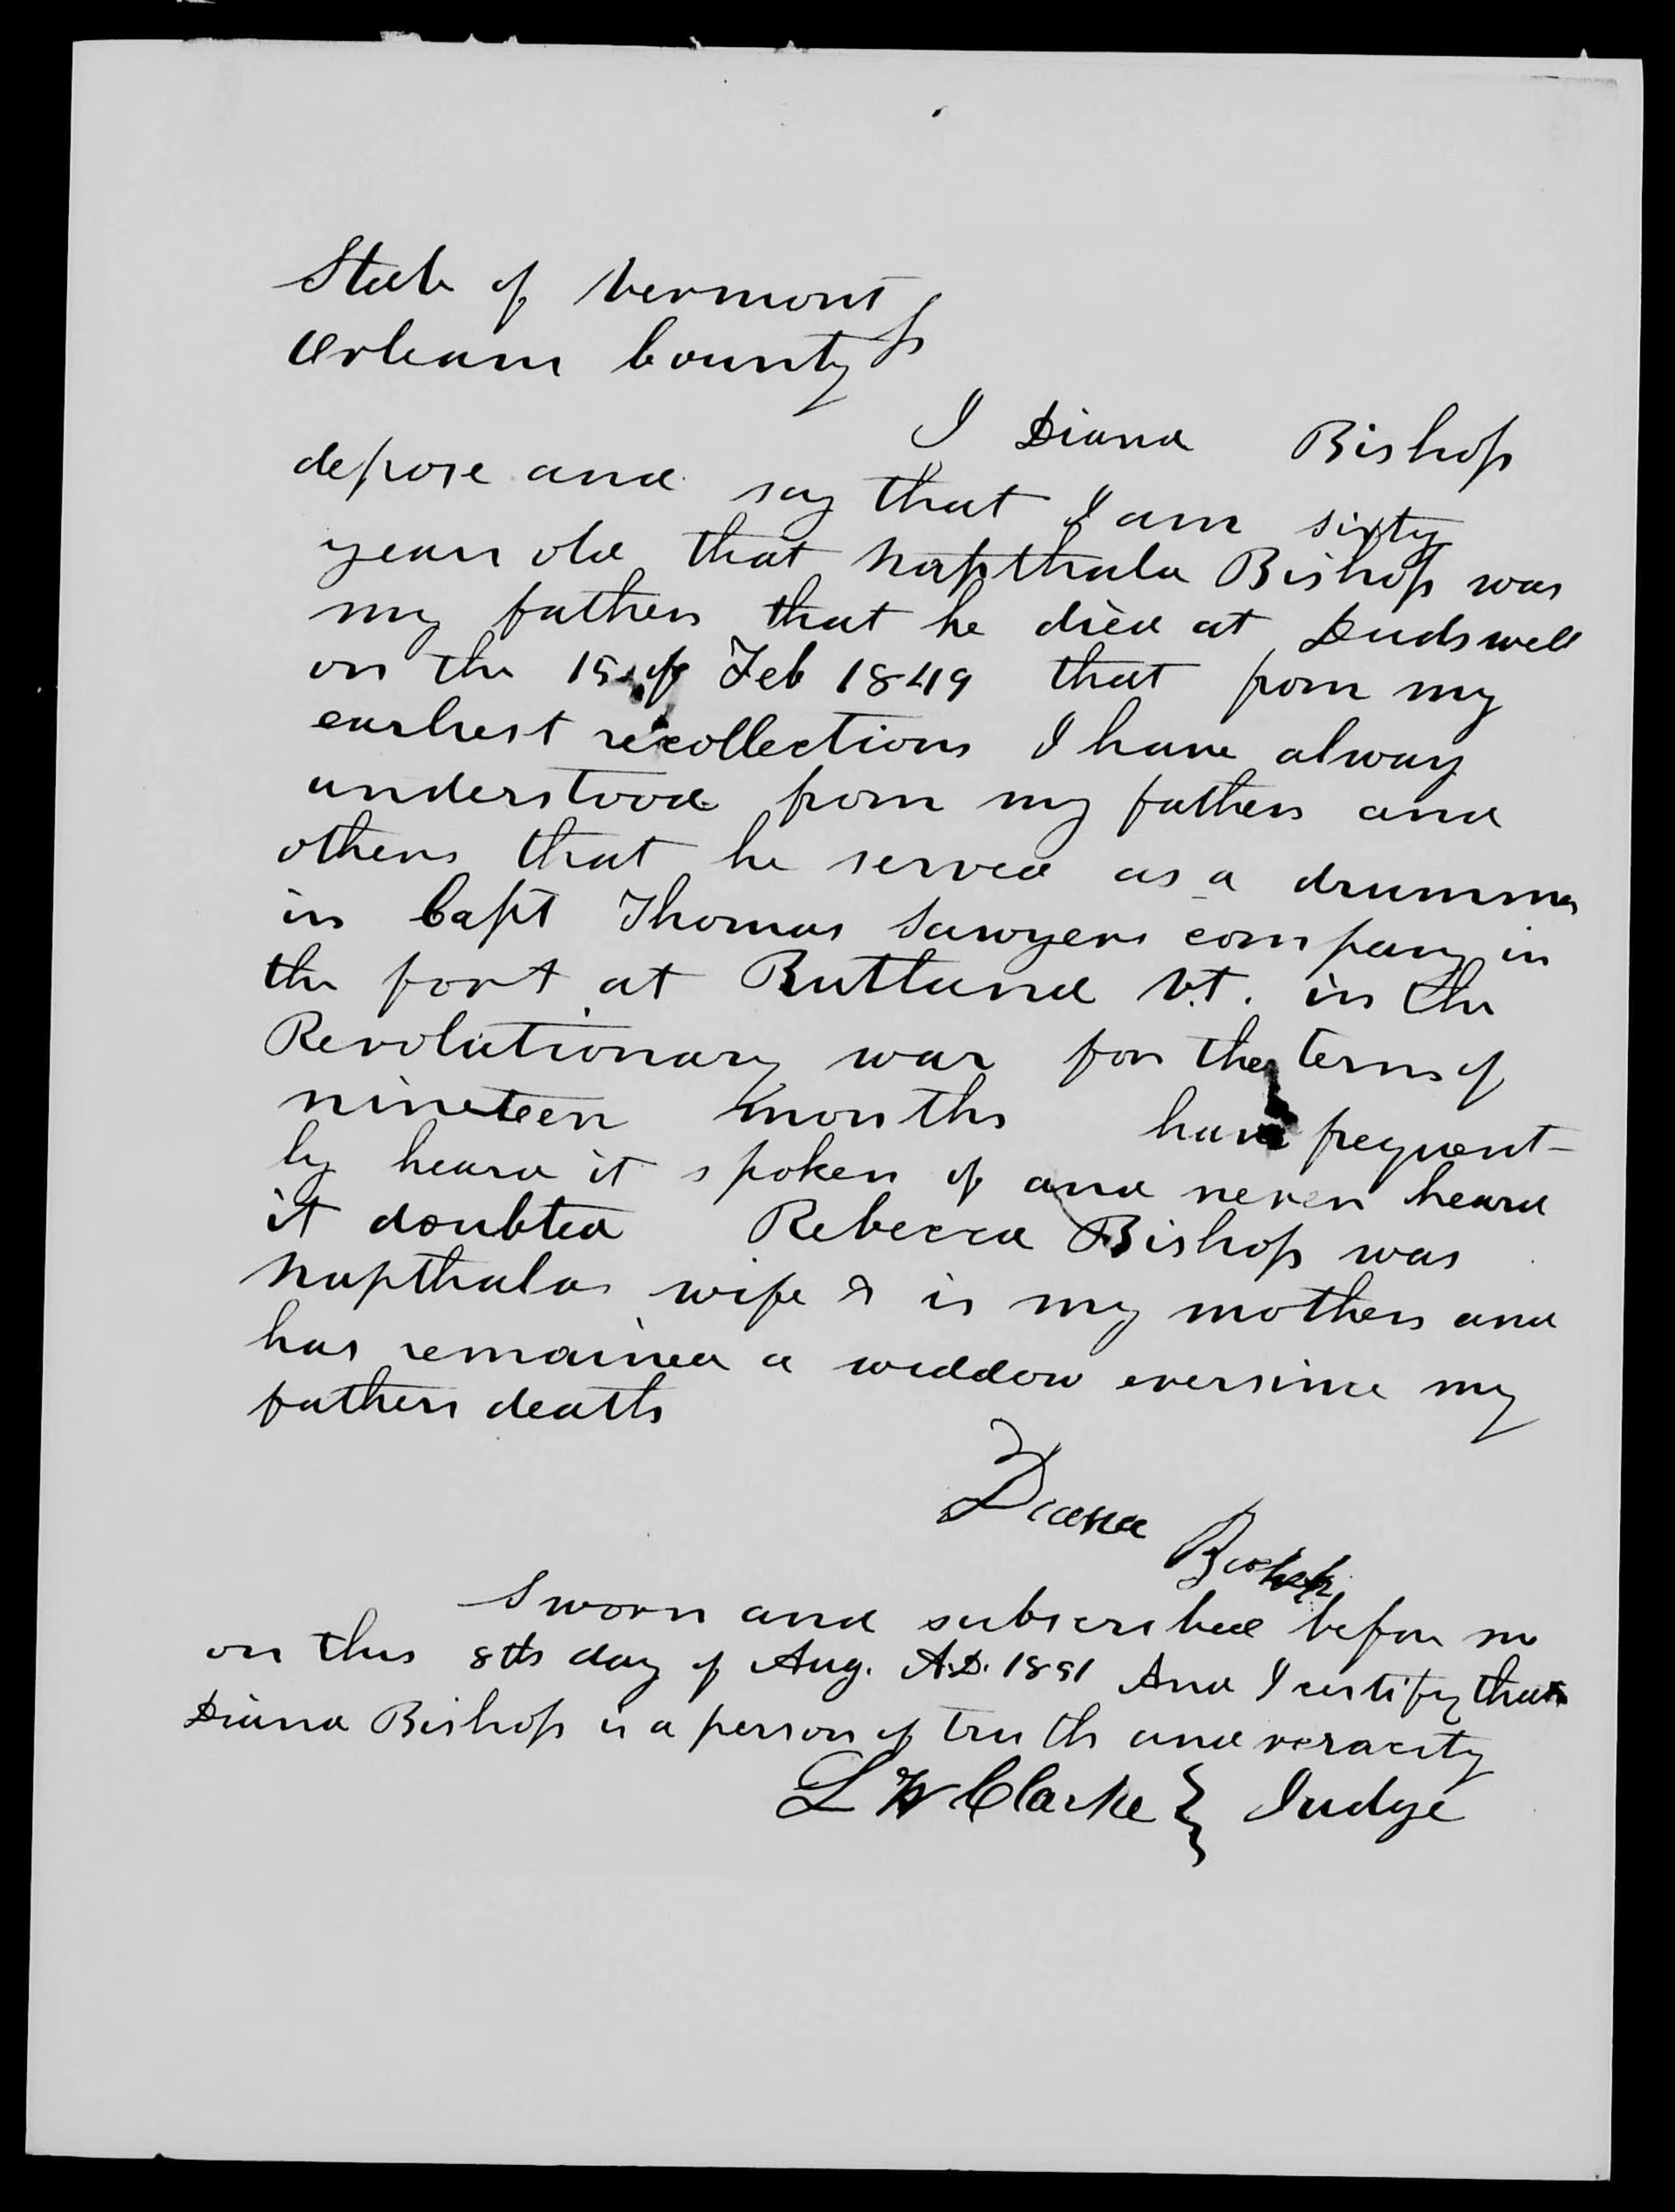State of Vermont
Orleans County
I Diana Bishop depose and say that I am sixty years old that Napthala Bishop was my father that he died at Dudswell on the 15th of Feb 1849 that from my earliest recollections I have alway understood from my father and others that he served as a drummer in Capt Thomas Sawyers company in the fort at Rutland Vt. in the Revolutionary war for the term of nineteen months have frequently heard it spoken of and never heard it doubted  Rebecca Bishop was Napthalas wife and is my mother and has remained a widdow eversince my fathers death
Diana Bishop
Sworn and subscribed before me on this 8th day of Aug. A.D. 1891 And I certify that Diana Bishop is a person of truth and veracity
L W Clarke  Judge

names: Napthala Bishop, L W Clarke, Diana Bishop, Rebecca Bishop, Diana Bishop, Napthala, Diana Bishop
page: 8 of 27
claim: rejected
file: R. 865, Napthala Bishop, Vt.